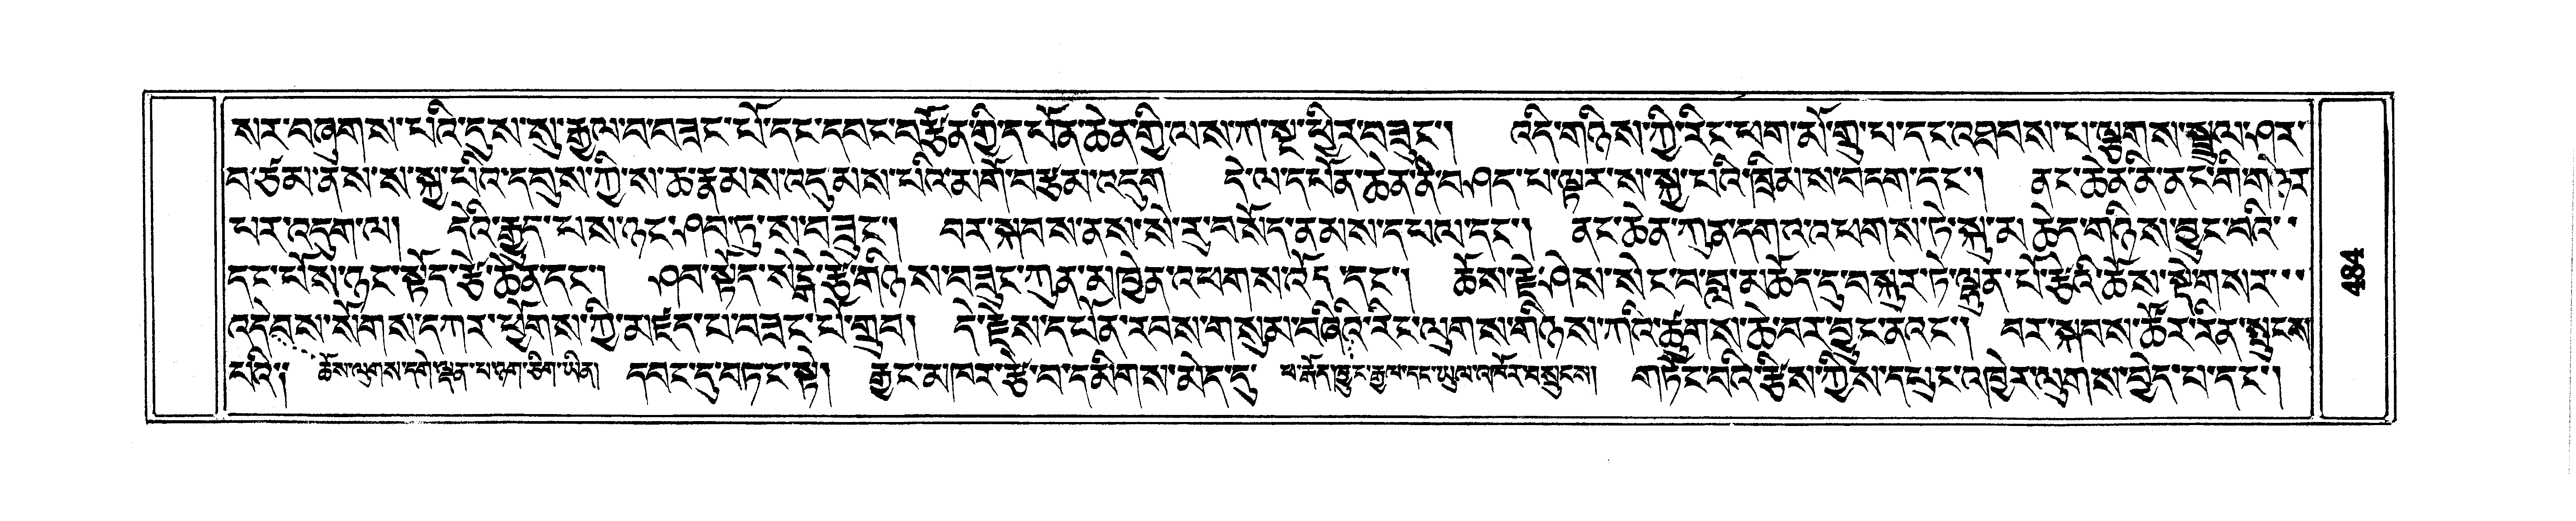སར་བཞུགས་པའི་དུས་སུ་རྒྱལ་བ་བཟང་པོ་དང་དབང་བརྩོན་གྱི་དཔོན་ཆེན་གྱི་ལས་ཀ་སྔ་ཕྱིར་བཟུང་། འདི་གཉིས་ཀྱི་རིང་ཕག་མོ་གྲུ་པ་དང་འཐབས་པ་ལྕགས་སྦྲུལ་ཤར་
བ་ཙམ་ནས་ས་སྐྱ་པའི་དབུས་ཀྱི་ས་ཆ་རྣམས་འདུ་མས་པའི་མགོ་བརྩམ་འདུག་དེ་ལ་དཔོན་ཆེན་ནི་བཤད་པ་ལྟར་ས་སྐྱ་པའི་ཁྲིམས་བདག་དང་། ནང་ཆེན་ནི་ནང་གི་གཉེར་
པར་འདུག་ལ། དེའི་རྒྱུད་པས་ཉང་ཤབ་ཏུ་ས་བཟུང་། བར་སྐབས་ནས་སེ་རུ་བསོད་ནམས་དཔལ་དང་། ནང་ཆེན་ཀུན་དགའ་འཕགས་ཏེ་སྐུ་མཆེད་གཉིས་བྱུང་བའི་
དང་པོས་ཉང་སྟོད་རྩེ་ཆེན་དང་། ཤབ་སྟོད་སེངྒེ་རྩེ་གཉིས་བཟུང་ཀུན་མཁྱེན་འཕགས་འོད་དང་། ཆོས་རྗེ་ཤེས་སེང་བ་བླ་མཆོད་དུ་བསྐུར་ཏེ་ལྷུན་པོ་རྩེའི་ཆོས་སྡེ་གསར་
འདེབས་སོགས་དཀར་ཕྱོགས་ཀྱི་མཛད་པ་བཟང་པོ་གྲུབ། དེ་རྗེས་དཔོན་རབས་གསུམ་བཞིའི་རིང་ལུགས་གཉིས་ཀའི་ཚུགས་ཆེ་བར་བྱུང་ནའང་། བར་སྐབས་ཚོར་རིན་སྤུངས་
པའི༑ ཆོས་ལུགས་དགེ་ལྡན་པ་ཉག་ཅིག་ཡིན།  དབང་དུ་བཏང་སྟེ། རྒྱང་མཁར་རྩེ་བ་དམིགས་མེད་དུ་ཕ་རྒོད་ཁྱུང་རྒྱལ་དང་ཡུལ་འཁོར་བསྲུངས།  གཏོང་བའི་རྩིས་ཀྱིས་དཔུང་འཁྱེར་ལུགས་བྱེད་པ་དང་།